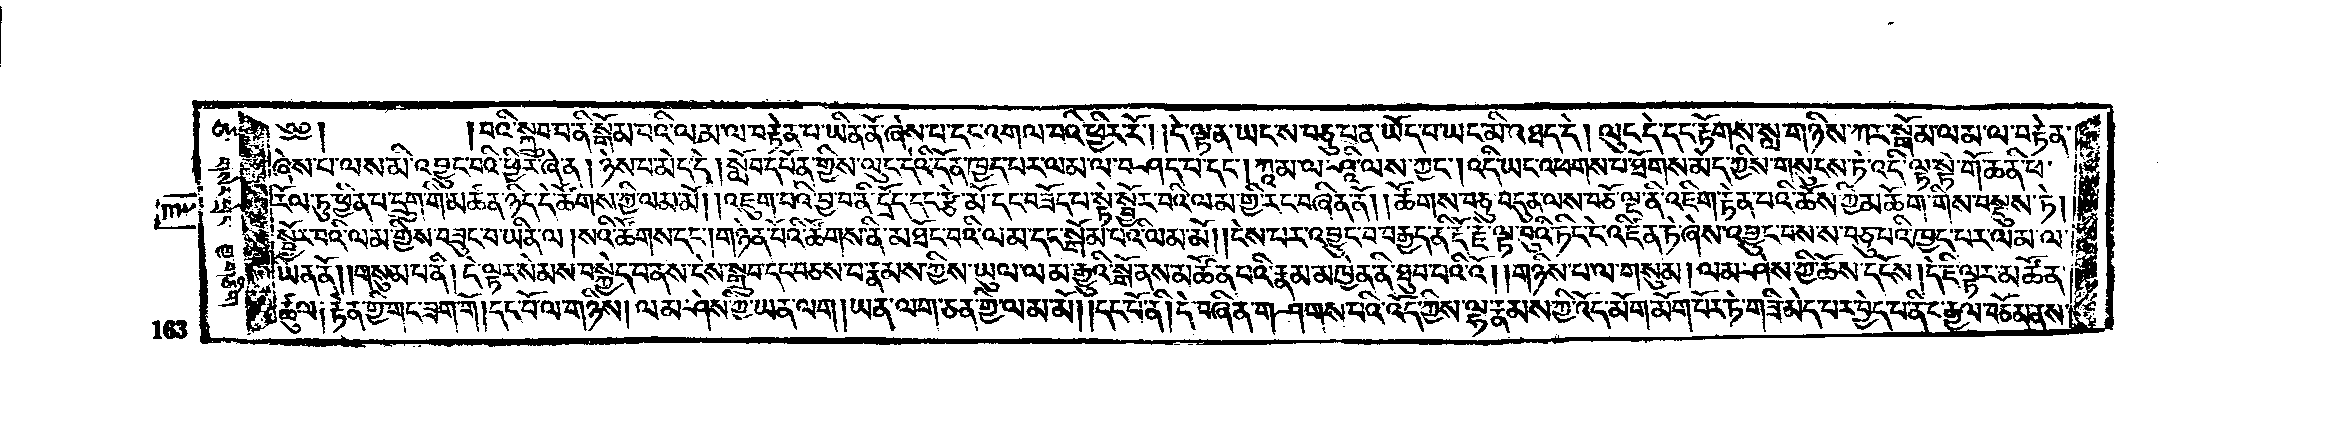༄༅། །བའི་སྒྲུབ་པ་ནི་སྒོམ་པའི་ལམ་ལ་བརྟེན་པ་ཡིན་ནོ་ཞེས་པ་དང་འགལ་བའི་ཕྱིར་རོ། །དེ་ལྟ་ན་ཡང་ས་བཅུ་པ་ན་ཡོད་པ་ཡང་མི་འཐད་དེ། ལུང་དེ་དང་རྟོགས་སླ་གཉིས་ཀར་སྒོམ་ལམ་ལ་བརྟེན་
ཞེས་པ་ལས་མི་འབྱུང་བའི་ཕྱིར་ཞེ་ན། ཉེས་པ་མེད་དེ། སློབ་དཔོན་གྱིས་ལུང་དེའི་དོན་ཁྱད་པར་ལམ་ལ་བཤད་པ་དང་། ཀཱ་མ་ལ་ཤའི་ལས་ཀྱང་། འདི་ཡང་འཕགས་པ་ཐོགས་མེད་ཀྱིས་གསུངས་ཏེ་འདི་ལྟ་སྟེ་གོ་ཆ་ནི་ཕ་
རོལ་ཏུ་ཕྱིན་པ་དྲུག་གི་མཚན་ཉིད་དེ་ཚོགས་ཀྱི་ལམ་མོ། །འཇུག་པའི་བྱ་བ་ནི་དྲོད་དང་རྩེ་མོ་དང་བཟོད་པ་སྟེ་སྦྱོར་བའི་ལམ་གྱི་རང་བཞིན་ནོ། །ཚོགས་བཅུ་བདུན་ལས་བཅོ་ལྔ་ནི་འཇིག་རྟེན་པའི་ཆོས་ཀྱི་མཆོག་གིས་བསྡུས་ཏེ།
སྦྱོར་བའི་ལམ་གྱིས་བཟུང་བ་ཡིན་ལ། སའི་ཚོགས་དང་། གཉེན་པོའི་ཚོགས་ནི་མཐོང་བའི་ལམ་དང་སྒོམ་པའི་ལམ་མོ། །ངེས་པར་འབྱུང་བ་བརྒྱད་ནི་རྡོ་རྗེ་ལྟ་བུའི་ཏིང་ངེ་འཛིན་ཏེ་ཞེས་འབྱུང་བས་ས་བཅུ་པའི་ཁྱད་པར་ལམ་ལ་
ཡིན་ནོ། །གསུམ་པ་ནི། དེ་ལྟར་སེམས་བསྐྱེད་པ་ནས་ངེས་སྒྲུབ་དང་བཅས་པ་རྣམས་ཀྱིས་ཡུལ་ལམ་རྒྱུའི་སྒོ་ནས་མཚོན་པའི་རྣམ་མཁྱེན་ནི་ཐུབ་པའི་འོ། །གཉིས་པ་ལ་གསུམ། ལམ་ཤེས་ཀྱི་ཆོས་དངོས། དེ་ཇི་ལྟར་མཚོན་
ཚུལ། རྟེན་གྱི་གང་ཟག་གོ །དང་པོ་ལ་གཉིས། ལམ་ཤེས་ཀྱི་ཡན་ལག །ཡན་ལག་ཅན་གྱི་ལམ་མོ། །དང་པོ་ནི། དེ་བཞིན་གཤེགས་པའི་འོད་ཀྱིས་ལྷ་རྣམས་ཀྱི་འོད་མོག་མོག་པོར་ཏེ་གཟི་མེད་པར་བྱེད་པ་ནི་ང་རྒྱལ་བཅོམ་ནས་